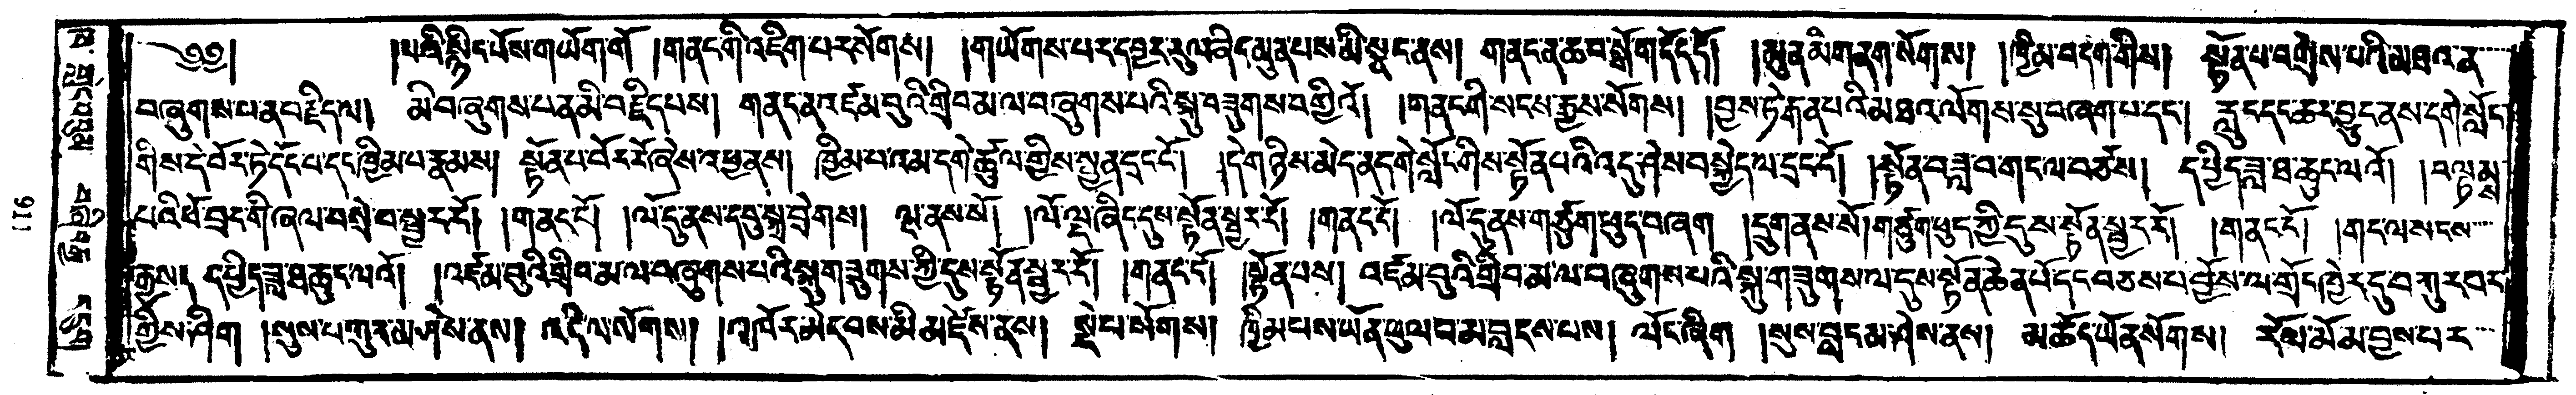༄༅། །པའི་སྙིང་པོས་གཡོག་གོ །གནང་གི་འཇིག་པར་སོགས། །གཡོགས་པར་དབྱར་རུལ་ཞིང་མུན་པས་མི་སྣང་ནས། གནང་ན་ཆབ་སྒོ་གདོད་དོ། །མུན་མིག་ནག་སོགས། །ཁྱིམ་བདག་གིས། སྟོན་པ་བགྲེས་པའི་མཐའ་ན་
བཞུགས་པ་ན་བརྗིད་ལ། མི་བཞུགས་པ་ན་མི་བརྗིད་པས། གནང་ན་འཛམ་བུའི་གྲིབ་མ་ལ་བཞུགས་པའི་སྐུ་བཟུགས་བགྱིའོ། །གནང་གི་སངས་རྒྱས་སོགས། །བྱས་ཏེ་རྒན་པའི་མཐའ་ལོགས་སུ་བཞག་པ་དང་། རླུང་དང་ཆར་བྱུང་ནས་དགེ་སློང་
གིས་དེ་བོར་ཏེ་དོང་པ་དང་ཁྱིམ་པ་རྣམས། སྟོན་པ་བོར་རོ་ཞེས་འཕྱ་ནས། ཁྱིམ་པའམ་དགེ་ཚུལ་གྱིས་སྤྱན་དྲང་ངོ། །དེ་གཉིས་མེད་ན་དགེ་སློང་གིས་སྟོན་པའི་འདུ་ཤེས་བསྐྱེད་ལ་དྲང་ངོ། །སྟོན་བཟླ་བ་གང་ལ་བཙས། དཔྱིད་ཟླ་ཐ་ཆུང་ལའོ། །བལྟམས་
པའི་ཕོ་བྲང་གི་ཞལ་བསྲེ་བ་སྦྱར་རོ། །གནང་ངོ། །ལོ་དུ་ནས་དབུ་སྐྲ་བྲེགས། ལྔ་ནས་སོ། །ལོ་ལྔ་ཞིང་དུས་སྟོན་སྦྱར་རོ། །གནང་ངོ། །ལོ་དུ་ནས་གཙུག་ཕུད་བཞག །དྲུག་ནས་སོ། གཙུག་ཕུད་ཀྱི་དུས་སྟོན་སྦྱར་རོ། །གནང་ངོ། །གང་ལ་སངས་
རྒྱས། དཔྱིད་ཟླ་ཐ་ཆུང་ལའོ། །འཛམ་བུའི་གྲིབ་མ་ལ་བཞུགས་པའི་སྐུ་གཟུགས་ཀྱི་དུས་སྟོན་སྦྱར་རོ། །གནང་ངོ། །སྟོན་པས། འཛམ་བུའི་གྲིབ་མ་ལ་བཞུགས་པའི་སྐུ་གཟུགས་ལ་དུས་སྟོན་ཆེན་པོ་དང་བཅས་པ་བྱོས་ལ་གྲོང་ཁྱེར་དུ་བཀུར་བར་
གྱིས་ཤིག །སུས་པ་ཀུན་མ་ཤེས་ནས། འདི་ལ་སོགས། །འཁོར་མེད་བས་མི་མཛེས་ནས། སྡེ་པ་སོགས། ཁྱིམ་པས་ཡོན་ཕུལ་བ་མ་བླངས་པས། ལོང་ཞིག །སུས་བླང་མ་ཤེས་ནས། མཆོད་ཡོན་སོགས། རོལ་མོ་མ་བྱས་པར་